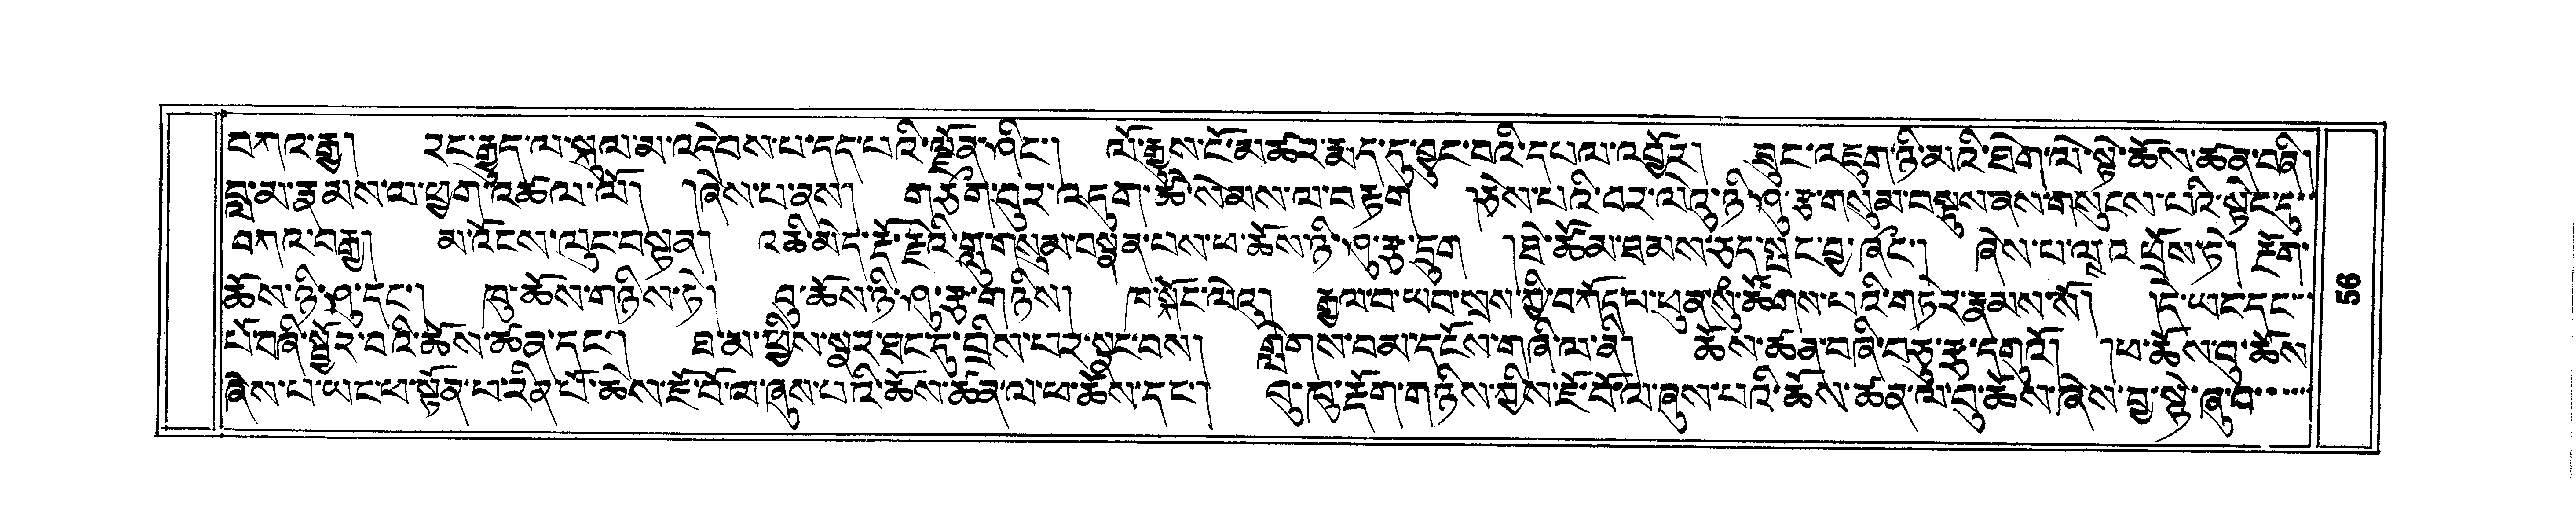བཀའ་རྒྱ། རང་རྒྱུད་ལ་སྐུལ་མ་འདེབས་པ་དད་པའི་ལྗོན་ཤིང་། ལོ་རྒྱུས་ངོ་མཚར་རྨད་དུ་བྱུང་བའི་དཔལ་འབྱོར། བྲུང་འཇུག་ཉི་མའི་ཐེག་ལེ་སྟེ་ཆོས་ཚན་བཞི།
བླ་མ་རྣམས་ལ་ཕྱག་འཚལ་ལོ། །ཞེས་པ་ནས། གཅིག་བུར་འདུག་ཚེ་སེམས་ལ་བརྟག །ཅེས་པའི་བར་ལེའུ་ཉི་ཤུ་རྩ་གསུམ་བསྡུས་ནས་གསུངས་པའི་སྟེང་དུ་
བཀའ་བརྒྱ། མ་འོངས་ལུང་བསྟན། འཆི་མེད་རྡོ་རྗེའི་གླུ་གསུམ་བསྣན་པས་ཕ་ཆོས་ཉི་ཤུ་རྩ་དྲུག །ཐེ་ཚོམ་ཐམས་ཅད་སྤང་བྱ་ཞྀང་། ཞེས་པ་ལས་འཕྲོས་ཏེ། རྔོག་
ཆོས་ཉི་ཤུ་དང་། ཁུ་ཆོས་གཉིས་ཏེ། བུ་ཆོས་ཉི་ཤུ་རྩ་གཉིས། ཁ་སྐོང་ལེའུ། རྒྱལ་བ་ཡབ་སྲས་ཀྱི་བཀོད་པ་ཕུན་སུཾ་སོགས་པའི་གཏེར་རྣམས་སོ། །དེ་ཡང་དང་
པོ་བཞི་སྦྱོར་བའི་ཆོས་ཚན་དང་། ཐ་མ་ཕྱིས་སྣར་ཐང་དུ་བྲིས་པར་སྣང་བས། གླེགས་བམ་དངོས་གཞི་ལ་ནི། ཆོས་ཚན་བཞི་བཅུ་རྩ་དགུའོ། །ཕ་ཆོས་བུ་ཆོས་
ཞེས་པ་ཡང་ཕ་སྟོན་པ་རིན་པོ་ཆེས་ཇོ་བོ་ལ་ཞུས་པའི་ཆོས་ཚན་ལ་ཕ་ཆོས་དང་། བུ་ཁུ་རྡོག་གཉིས་ཀྱིས་ཇོ་བོ་ལ་ཞུས་པའི་ཆོས་ཚན་ལ་བུ་ཆོས་ཞེས་བྱ་སྟེ་ཞུ་བ་